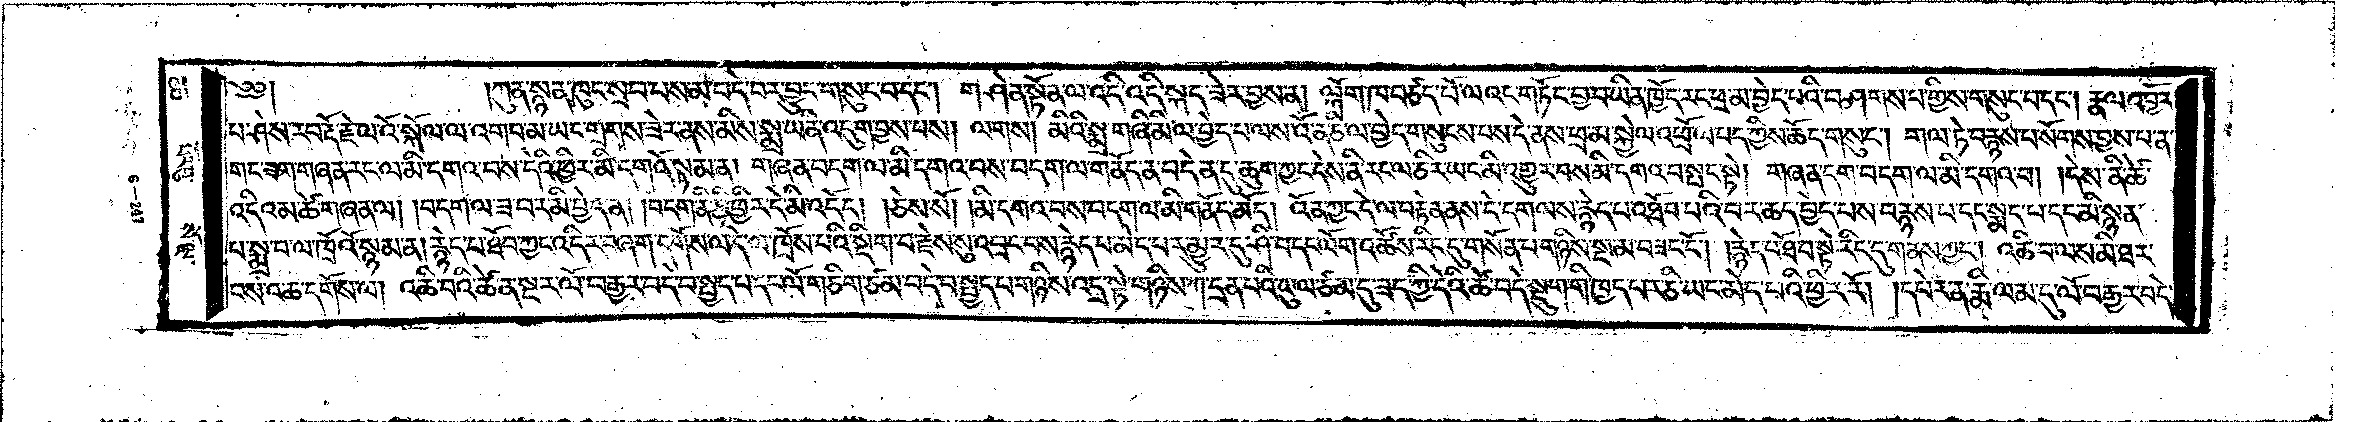༄༅། །ཀུན་སྙན་ཁུང་སྲབ་པས་མ་བདེ་བར་བྱུང་གསུང་བ་དང་། གཤེན་སྟོན་ལ་འདི་འདྲི་སྐད་ཟེར་བྱས་ན། ལྐོག་ཁ་བཙད་པོ་ལའང་གཏོང་བྱ་བ་ཡིན་ཁྱོད་རང་བྲ་མ་བྱེད་བའི་བཤགས་པ་གྱིས་གསུང་པ་དང་། རྣལ་འབྱོར་
པ་ཤེས་རབ་རྡོ་རྗེ་ལ་འོ་སྐོལ་ལ་འགབ་མ་ཡང་གྲགས་ཟེར་ནས་མིས་སྨྲ་ཡིན་འདུག་བྱས་པས། ལགས། མིའི་སྨྲ་གཞི་མི་ལ་བྱེད་པ་ལས་འོ་ན་ཅི་ལ་བྱེད་གསུངས་པས་དེ་ནས་ཕྲ་མ་སྐྱེལ་འཕྲོལ་པད་ཀྱིས་ཆོད་གསུང་། གལ་ཏེ་བརྙས་པ་སོགས་བྱས་པ་ན་
གང་ཟག་གཞན་རང་ལ་མི་དགའ་བས་དེའི་ཕྱིར་མི་དགའོ་སྙམ་ན། གཞན་བདག་ལ་མི་དགའ་བས་བདག་ལ་གནོད་ན་བདེན་དུ་ཆུག་ཀྱང་དེས་ནི་རང་ལ་ཅིར་ཡང་མི་འགྱུར་བས་མི་དགའ་བ་སྤང་སྟེ། གཞན་དག་བདག་ལ་མི་དགའ་བ། །དེས་ནི་ཚེ་
འདིའམ་ཚེ་གཞན་ལ། །བདག་ལ་ཟ་བར་མི་བྱེད་ན། །བདག་ནི་ཅི་ཕྱིར་དེ་མི་འདོད། །ཅེས་སོ། །མི་དགའ་བས་བདག་ལ་མི་གནོད་མོད། འོན་ཀྱང་དེ་ལ་བརྟེན་ནས་དེ་དག་ལས་རྙེད་པ་འཐོབ་པའི་བར་ཆད་བྱེད་པས་བརྙས་པ་དང་སྨད་པ་དང་མི་སྙན་
པ་སྨྲ་བ་ལ་ཁྲོའོ་སྙམ་ན། རྙེད་པ་ཐོབ་ཀྱང་འདིར་བཞག་དགོས་ལ་དེ་ལ་ཁྲོས་པའི་སྡིག་པ་རྗེས་སུ་འབྲང་བས་རྙེད་པ་མེད་པར་མྱུར་དུ་ཤི་བ་དང་ལོག་འཚོས་རིང་དུ་གསོན་པ་གཉིས་སྔ་མ་བཟང་པོ། །རྙེད་པ་ཐོབ་སྟེ་རིང་དུ་གནས་ཀྱང་། འཆི་བ་ལས་མི་ཐར་
བས་འཆི་དགོས་ལ། འཆི་བའི་ཚེ་ན་སྔར་ལོ་བརྒྱར་བདེ་བ་སྤྱད་པ་དང་ལོ་གཅིག་ཙམ་བདེ་བ་སྤྱད་པ་གཉིས་འདྲ་སྟེ་གཉིས་ཀ་དྲན་པའི་ཡུལ་ཙམ་དུ་ཟད་ཀྱི་དེའི་ཚེ་བདེ་སྡུག་གི་ཁྱད་པ་ཅི་ཡང་མེད་པའི་ཕྱིར་རོ། །དཔེར་ན་རྨི་ལམ་དུ་ལོ་བརྒྱར་བདེ་